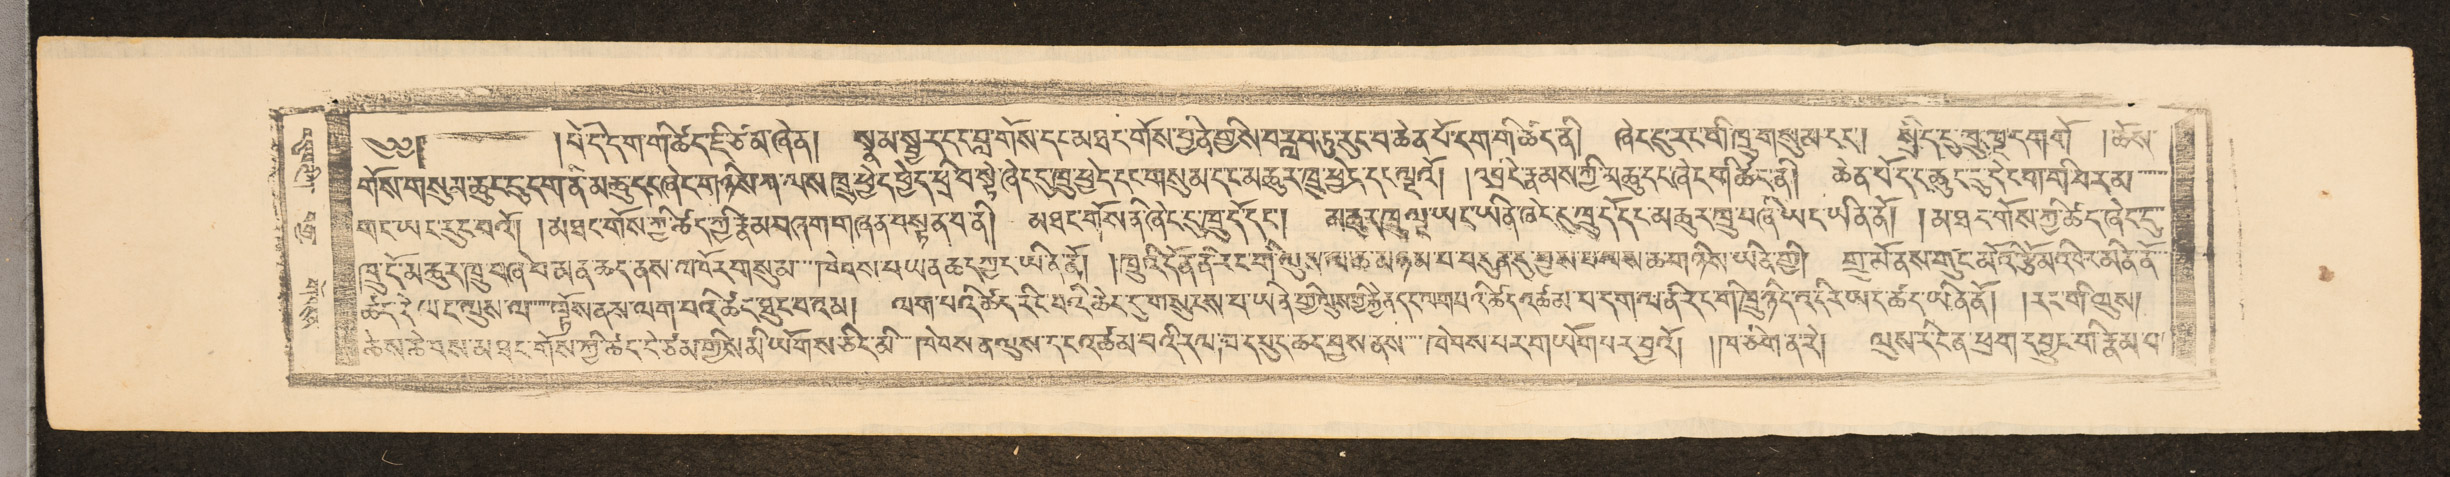༄༅། །པོ་དེ་དག་གི་ཚད་ཇི་ཙམ་ཞེ་ན། སྣམ་སྦྱར་དང་བླ་གོས་དང་མཐང་གོས་བྱིན་གྱིས་བརླབ་ཏུ་རུང་བ་ཆེན་པོ་དག་གི་ཚད་ནི། ཞེང་དུ་རང་གི་ཁྲུ་གསུམ་དང་། སྲིད་དུ་ཁྲུ་ལྔ་དག་གོ །ཆོས་
གོས་གསུམ་ཆུང་དུ་དག་ནི་མཆུ་དང་ཞེང་གཉིས་ཀ་ལས་ཁྲུ་ཕྱེད་ཕྱེད་ཕྲི་བ་སྟེ་ཞེང་དུ་ཁྲུ་ཕྱད་དང་གསུམ་དང་མཆུར་ཁྲུ་ཕྱེད་དང་ལྔའོ། །འབྲིང་རྣམས་ཀྱི་མཆུ་དང་ཞེང་གི་ཚད་ནི། ཆེན་པོ་དང་ཆུང་དུ་དེ་དག་གི་བར་མ་
གང་ཡང་རུང་བའོ། །མཐང་གོས་ཀྱི་ཚད་ཀྱི་རྣམ་བཞག་གཞན་བསྟན་པ་ནི། མཐང་གོས་ནི་ཞེང་དུ་ཁྲུ་དོ་དང་། མཆུར་ཁྲུ་ལྔ་ཡང་ཡིན་ཞེང་དུ་ཁྲུ་དོ་དང་མཆུར་ཁྲུ་བཞི་ཡང་ཡིན་ནོ། །མཐང་གོས་ཀྱི་ཚད་ཞེང་དུ་
ཁྲུ་ངོ་མཆུར་ཁྲུ་བཞི་པ་མན་ཆད་ནས་འཁོར་གསུམ་ཁེབས་པ་ཡན་ཆད་ཀྱང་ཡིན་ནོ། །ཁྲུའི་དོན་ནི་རང་གི་ལུས་ལ་ཆ་མཉམ་པ་བདུན་དུ་བྱས་པ་ལས་ཆ་གཉིས་ཡིན་གྱི། གྲུ་མོ་ནས་གུང་མོའི་རྩེ་མོའི་བར་མིན་ནོ།།
ཚད་དེ་ཡང་ལུས་ལ་ལྟོས་ནས་ལག་པའི་ཚད་ཐུང་བ་འམ། ལག་པའི་ཚད་རིང་བའི་ཆེད་དུ་གསུངས་པ་ཡིན་གྱི་ལུས་ཀྱི་རྐྱེན་དང་ལག་པའི་ཚད་འཚམ་པ་དག་ལ་ནི་རང་གི་ཁྲུ་ཉིད་འདིར་ཡང་ཚད་ཡིན་ནོ། །རང་གི་ལུས་
ཆེས་ཆེ་བས་མཐང་གོས་ཀྱི་ཚད་དེ་ཙམ་གྱིས་མི་ཡོགས་ཅིང་མི་ཁེབས་ན་ལུས་དང་འཚམ་པའི་རལ་ཁ་དཔུང་ཆད་བྱས་ནས་ཁེབས་པར་གཡོག་པར་བྱའོ། །ཁ་ཅིག་ན་རེ། ལུས་རིང་ན་ཕྲག་དབྱུང་གི་རྣམ་པ་